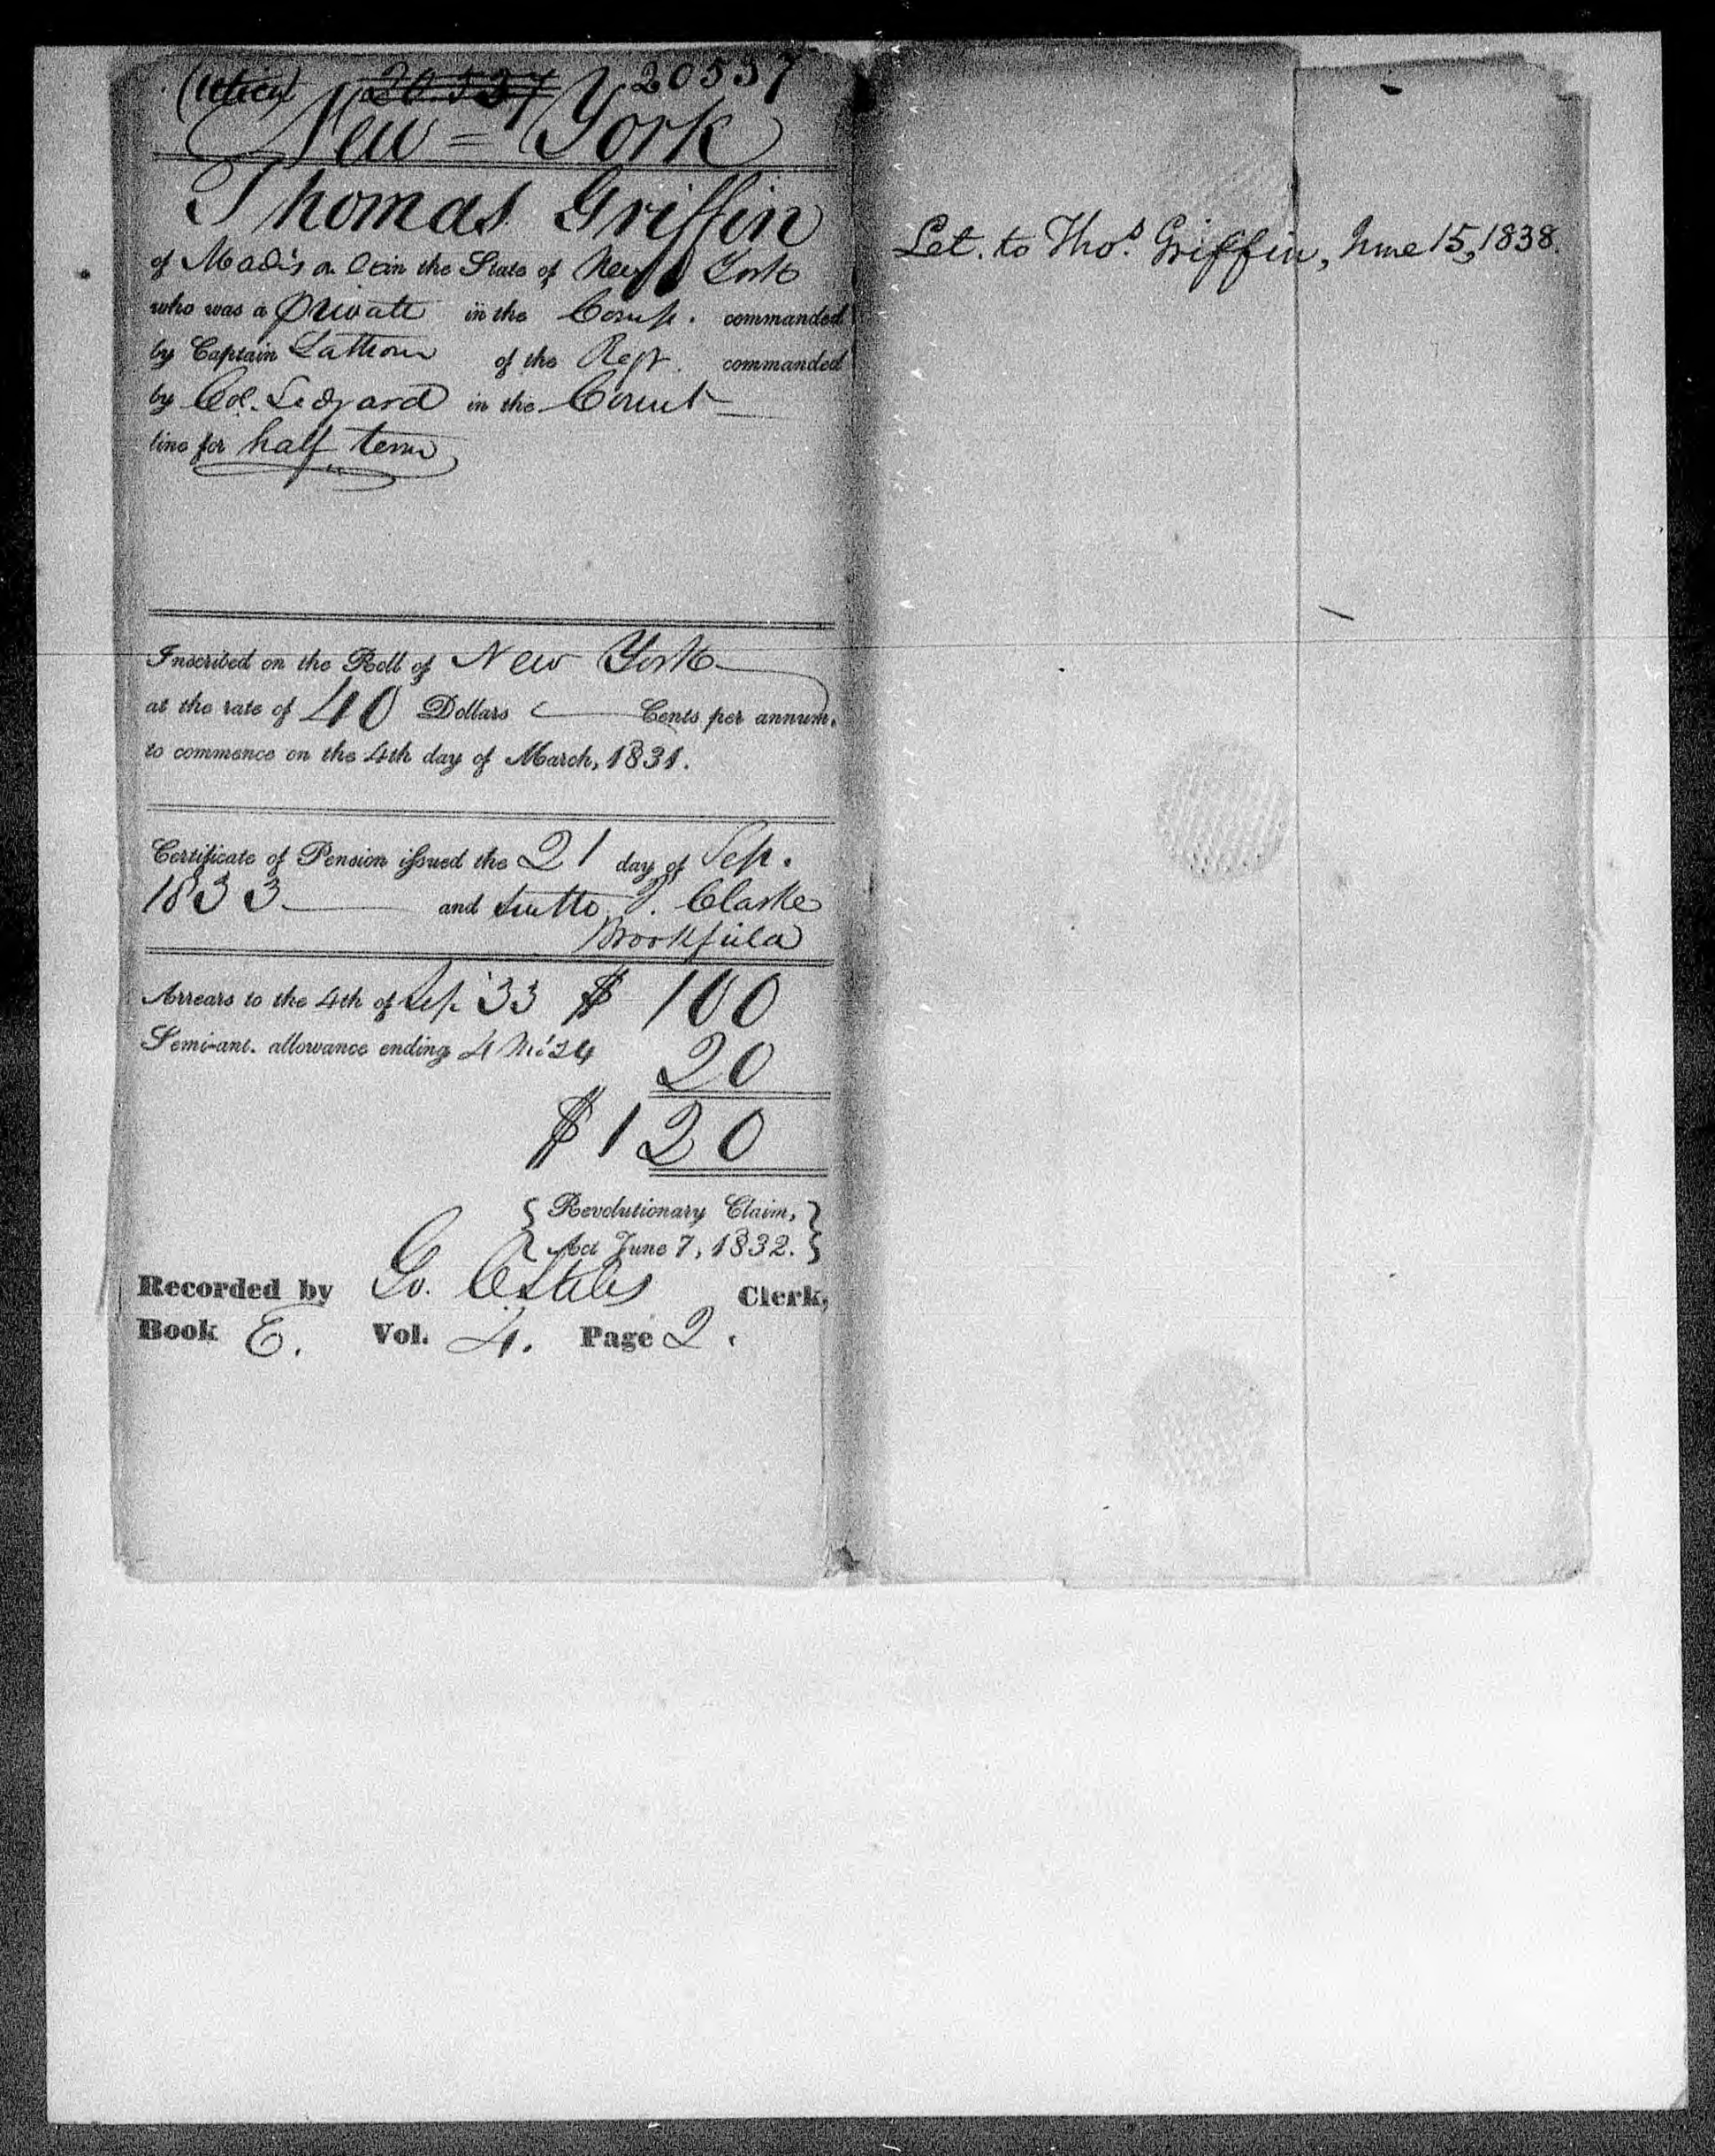(ietica)  20537 (crossed out 20557
New York
====================
Thomas Griffin
of Madison Co. in the State of New York
who was a private in the Comp. commanded by Captain Lathom of the Regt. commanded 
by Col. Ledyard in the Connt 
line for half term
====================
Inscribed on the Roll of New York
at the rate of 40 Dollars _______Cents per annum,
to commence on the 4th day of March, 1831.
=====================
Certificate of Pension issued the 21 day of Sep.
1833 and sent to Clarke Brookfield
=======================
Arrears to the 4th of Sep '33   $100
Semi-ann. allowance ending 4 Mrc '24  20
$120


{Revolutionary Claim,}
{Act June 7, 1832.}

Recorded by Go C Stiles Clerk,
Book E. Vol. 4 Page 2


Let. to Thos. Griffin June 15, 1838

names: Lathom, J Clarke, Thomas Griffin, Thos Griffin, Go C Stiles, Ledyard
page: 4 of 60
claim: widow's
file: W. 19,537, Thomas Griffin, Conn.